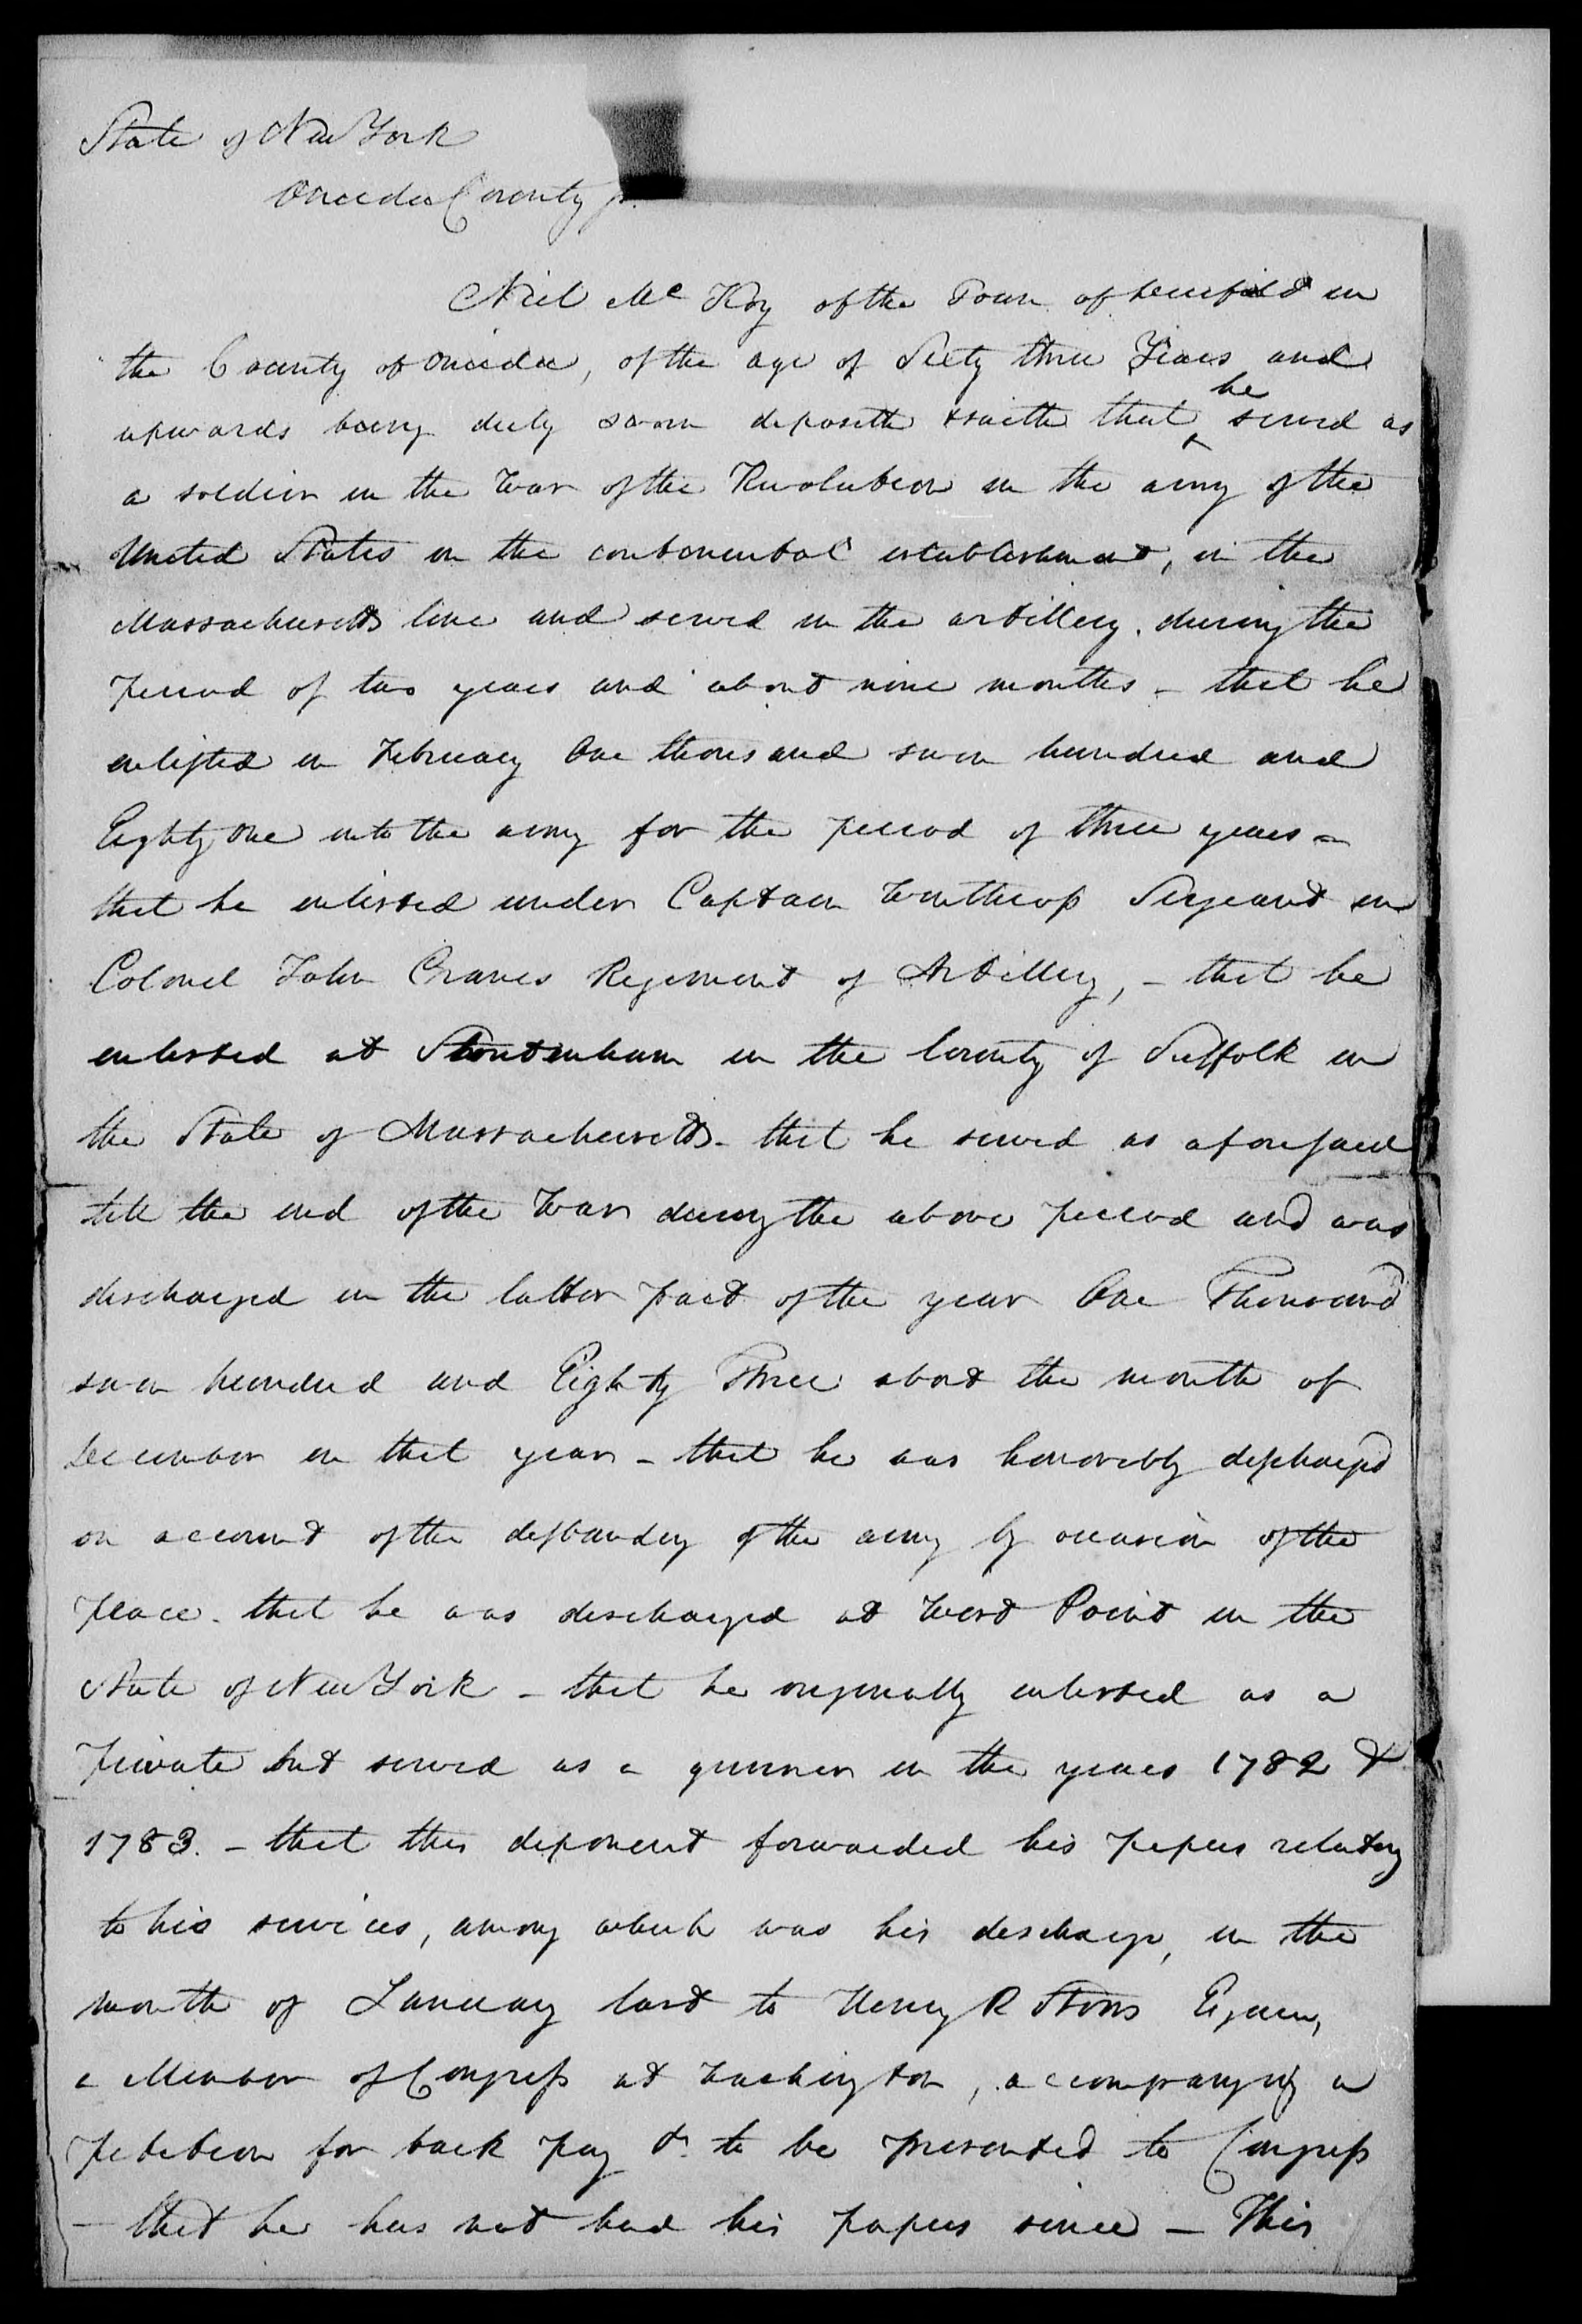State of New York
Oneida County [?]
Neil McKoy of the town of Deerfield in the County of Oneida, of the age of sixty three years and upwards being duly sworn deposeth saith that he served as a soldier in the War of the Revolution in the army of the United States in the continental [?], in the Massachusetts line and served in the artillery during the period of two years and about nine months - that he inlisted in February one thousand seven hundred and eighty one into the army for the period of three years - that he inlisted under Captain Anthrop [?] Sergeant in Colonel John Craves Regiment of artillery - that he inlisted at [?] in the county of Suffolk in the State of Massachusetts - that he served as [?] till the end of the War during the above period and was discharged in the latter part of the year one thousand seven hundred and eighty three about the month of December in that year - that he was honourably discharged on account of the disbanding of army by occasion of the peace - that he was discharged at West Point in the State of New York - that he originally inlisted as a private but served as a gunner in the years 1782 & 1783 - that this deponent forwarded his papers relating to his services, [?] which was his discharge in the month of January last to Henry R Starrs [? ? ? ?] at Washington accompanying a [?] for back pay & to be presented to [?] - that he has not had his papers since - this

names: Wenthrop Sergeant; Henry R Storrs; Niel Mc Koy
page: 7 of 11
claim: survivor's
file: S. 42951, for Neil Mc Koy, Massachusetts